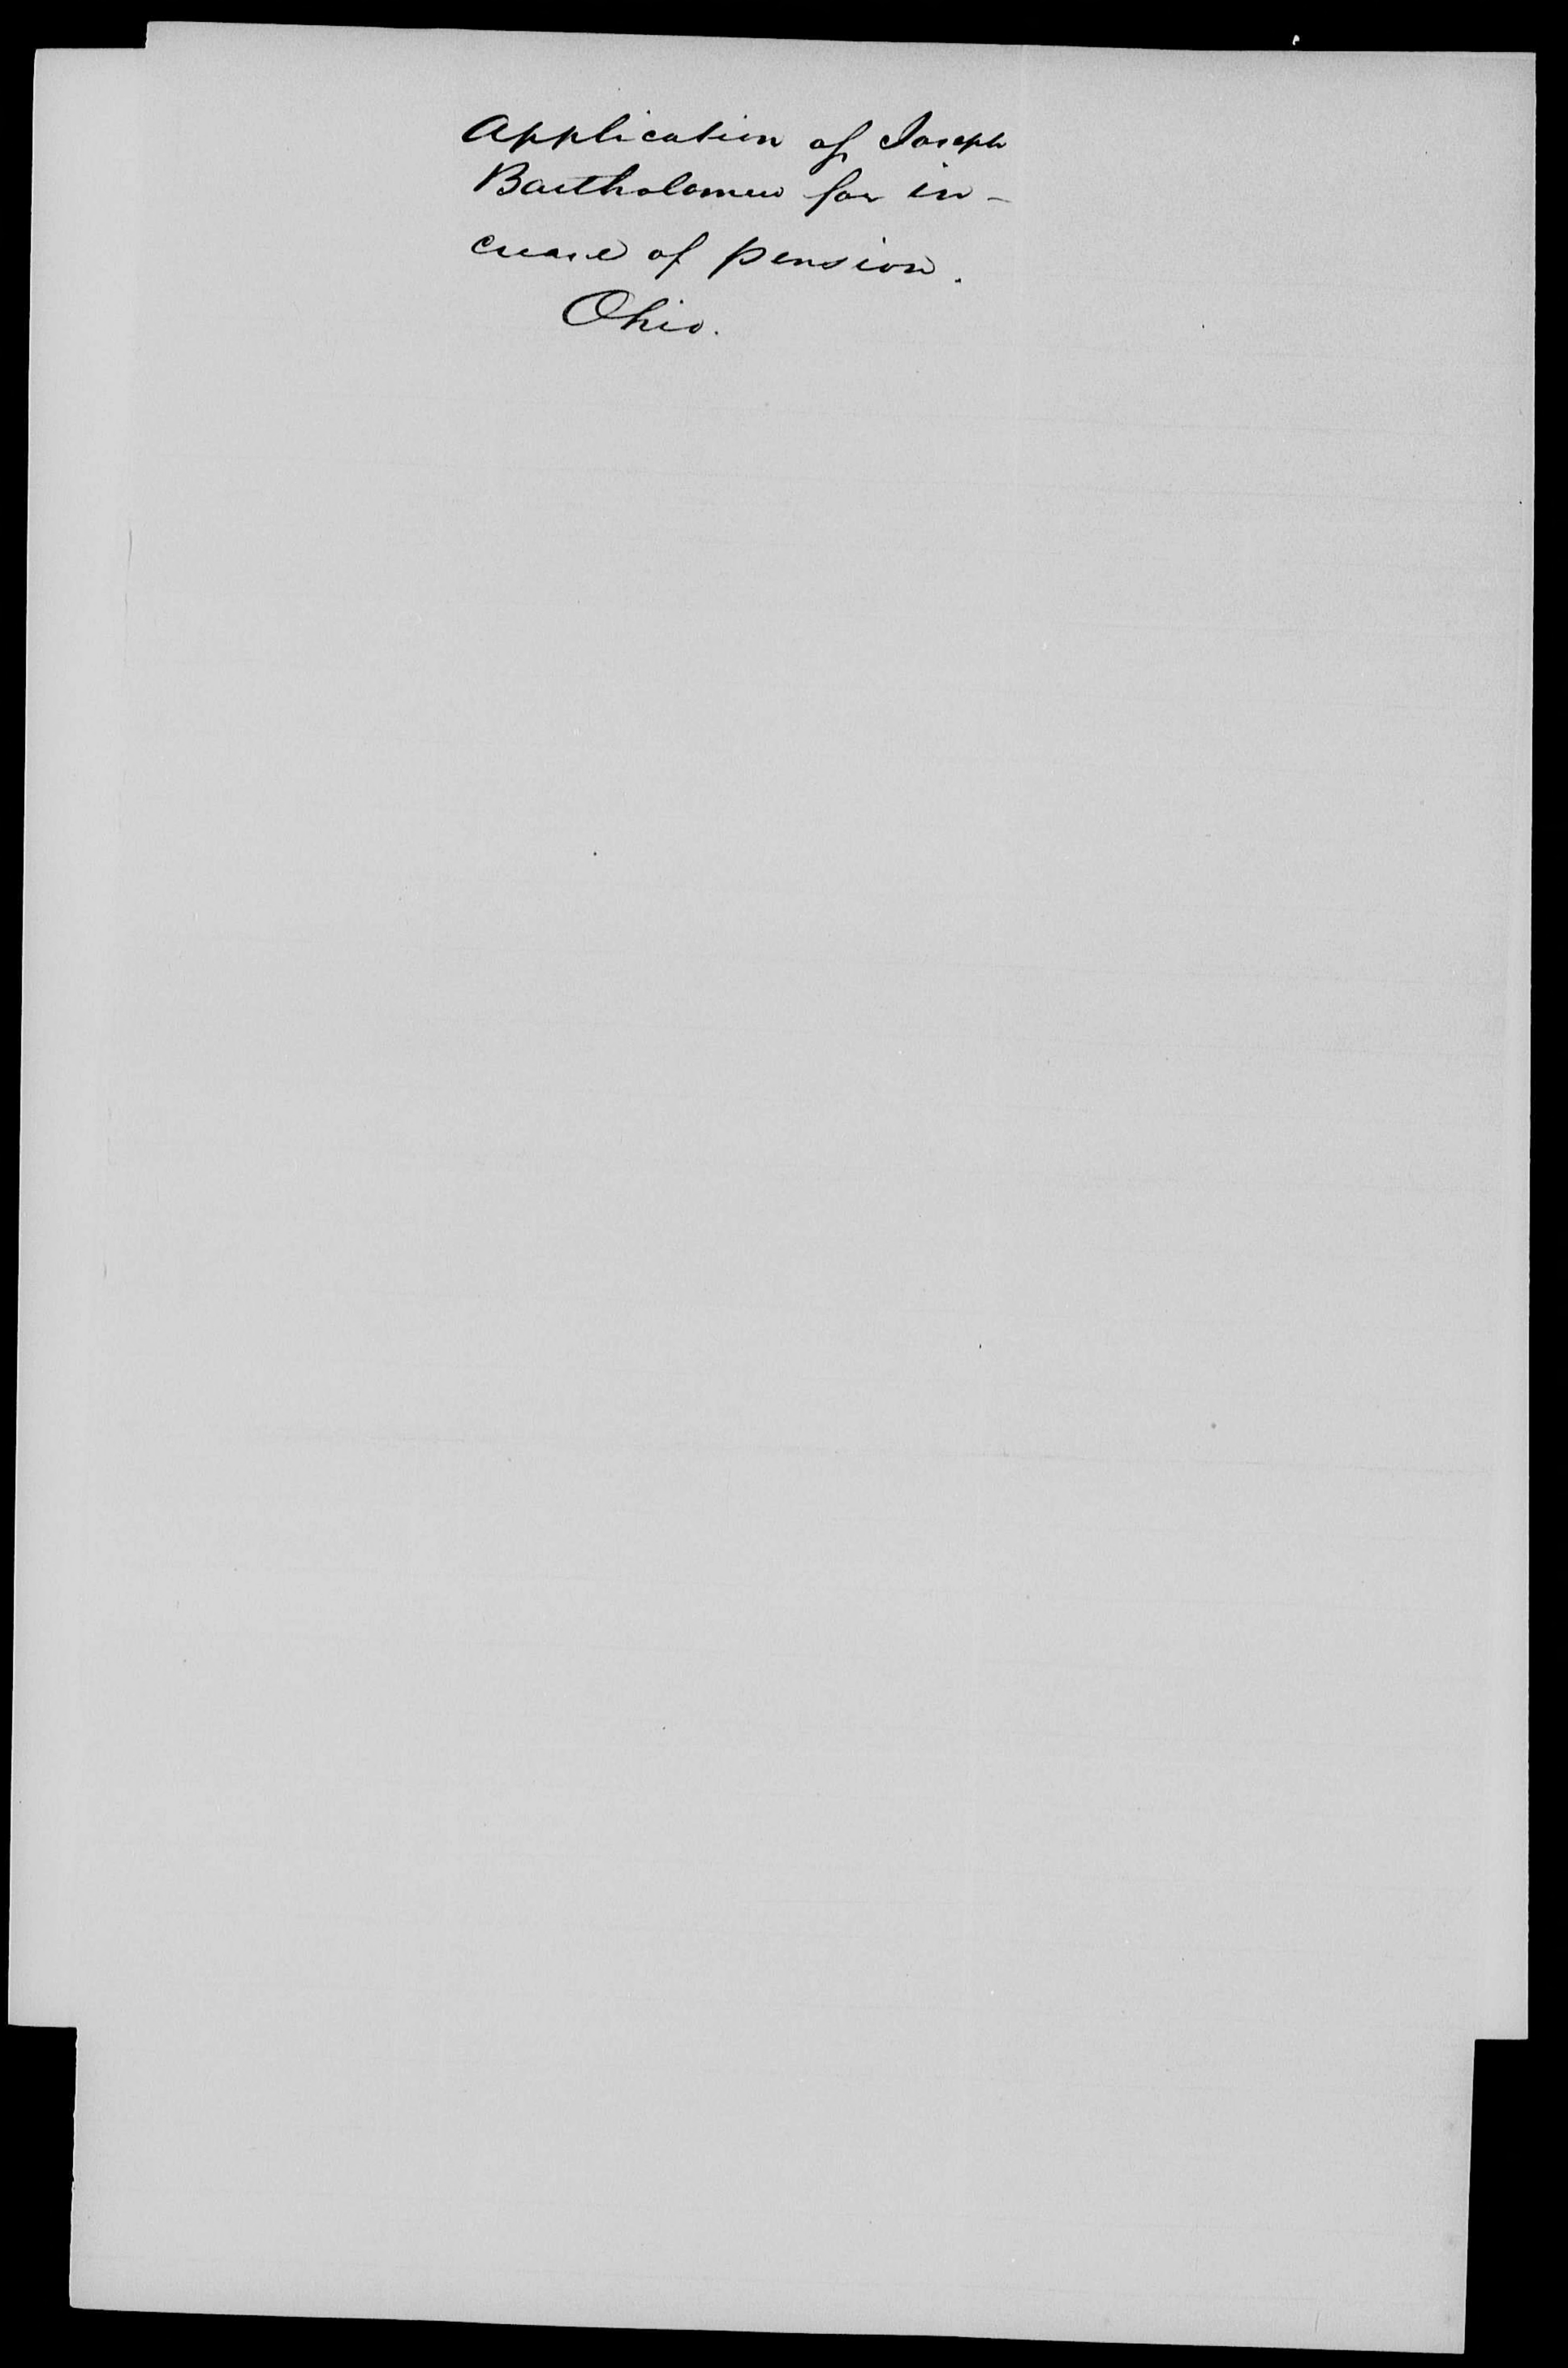Application of Joseph
Bartholomew for in-
crease of pension
Ohio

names: Joseph Bartholomew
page: 57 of 76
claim: widow's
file: W. 9345, Joseph Bartholomew, Conn.